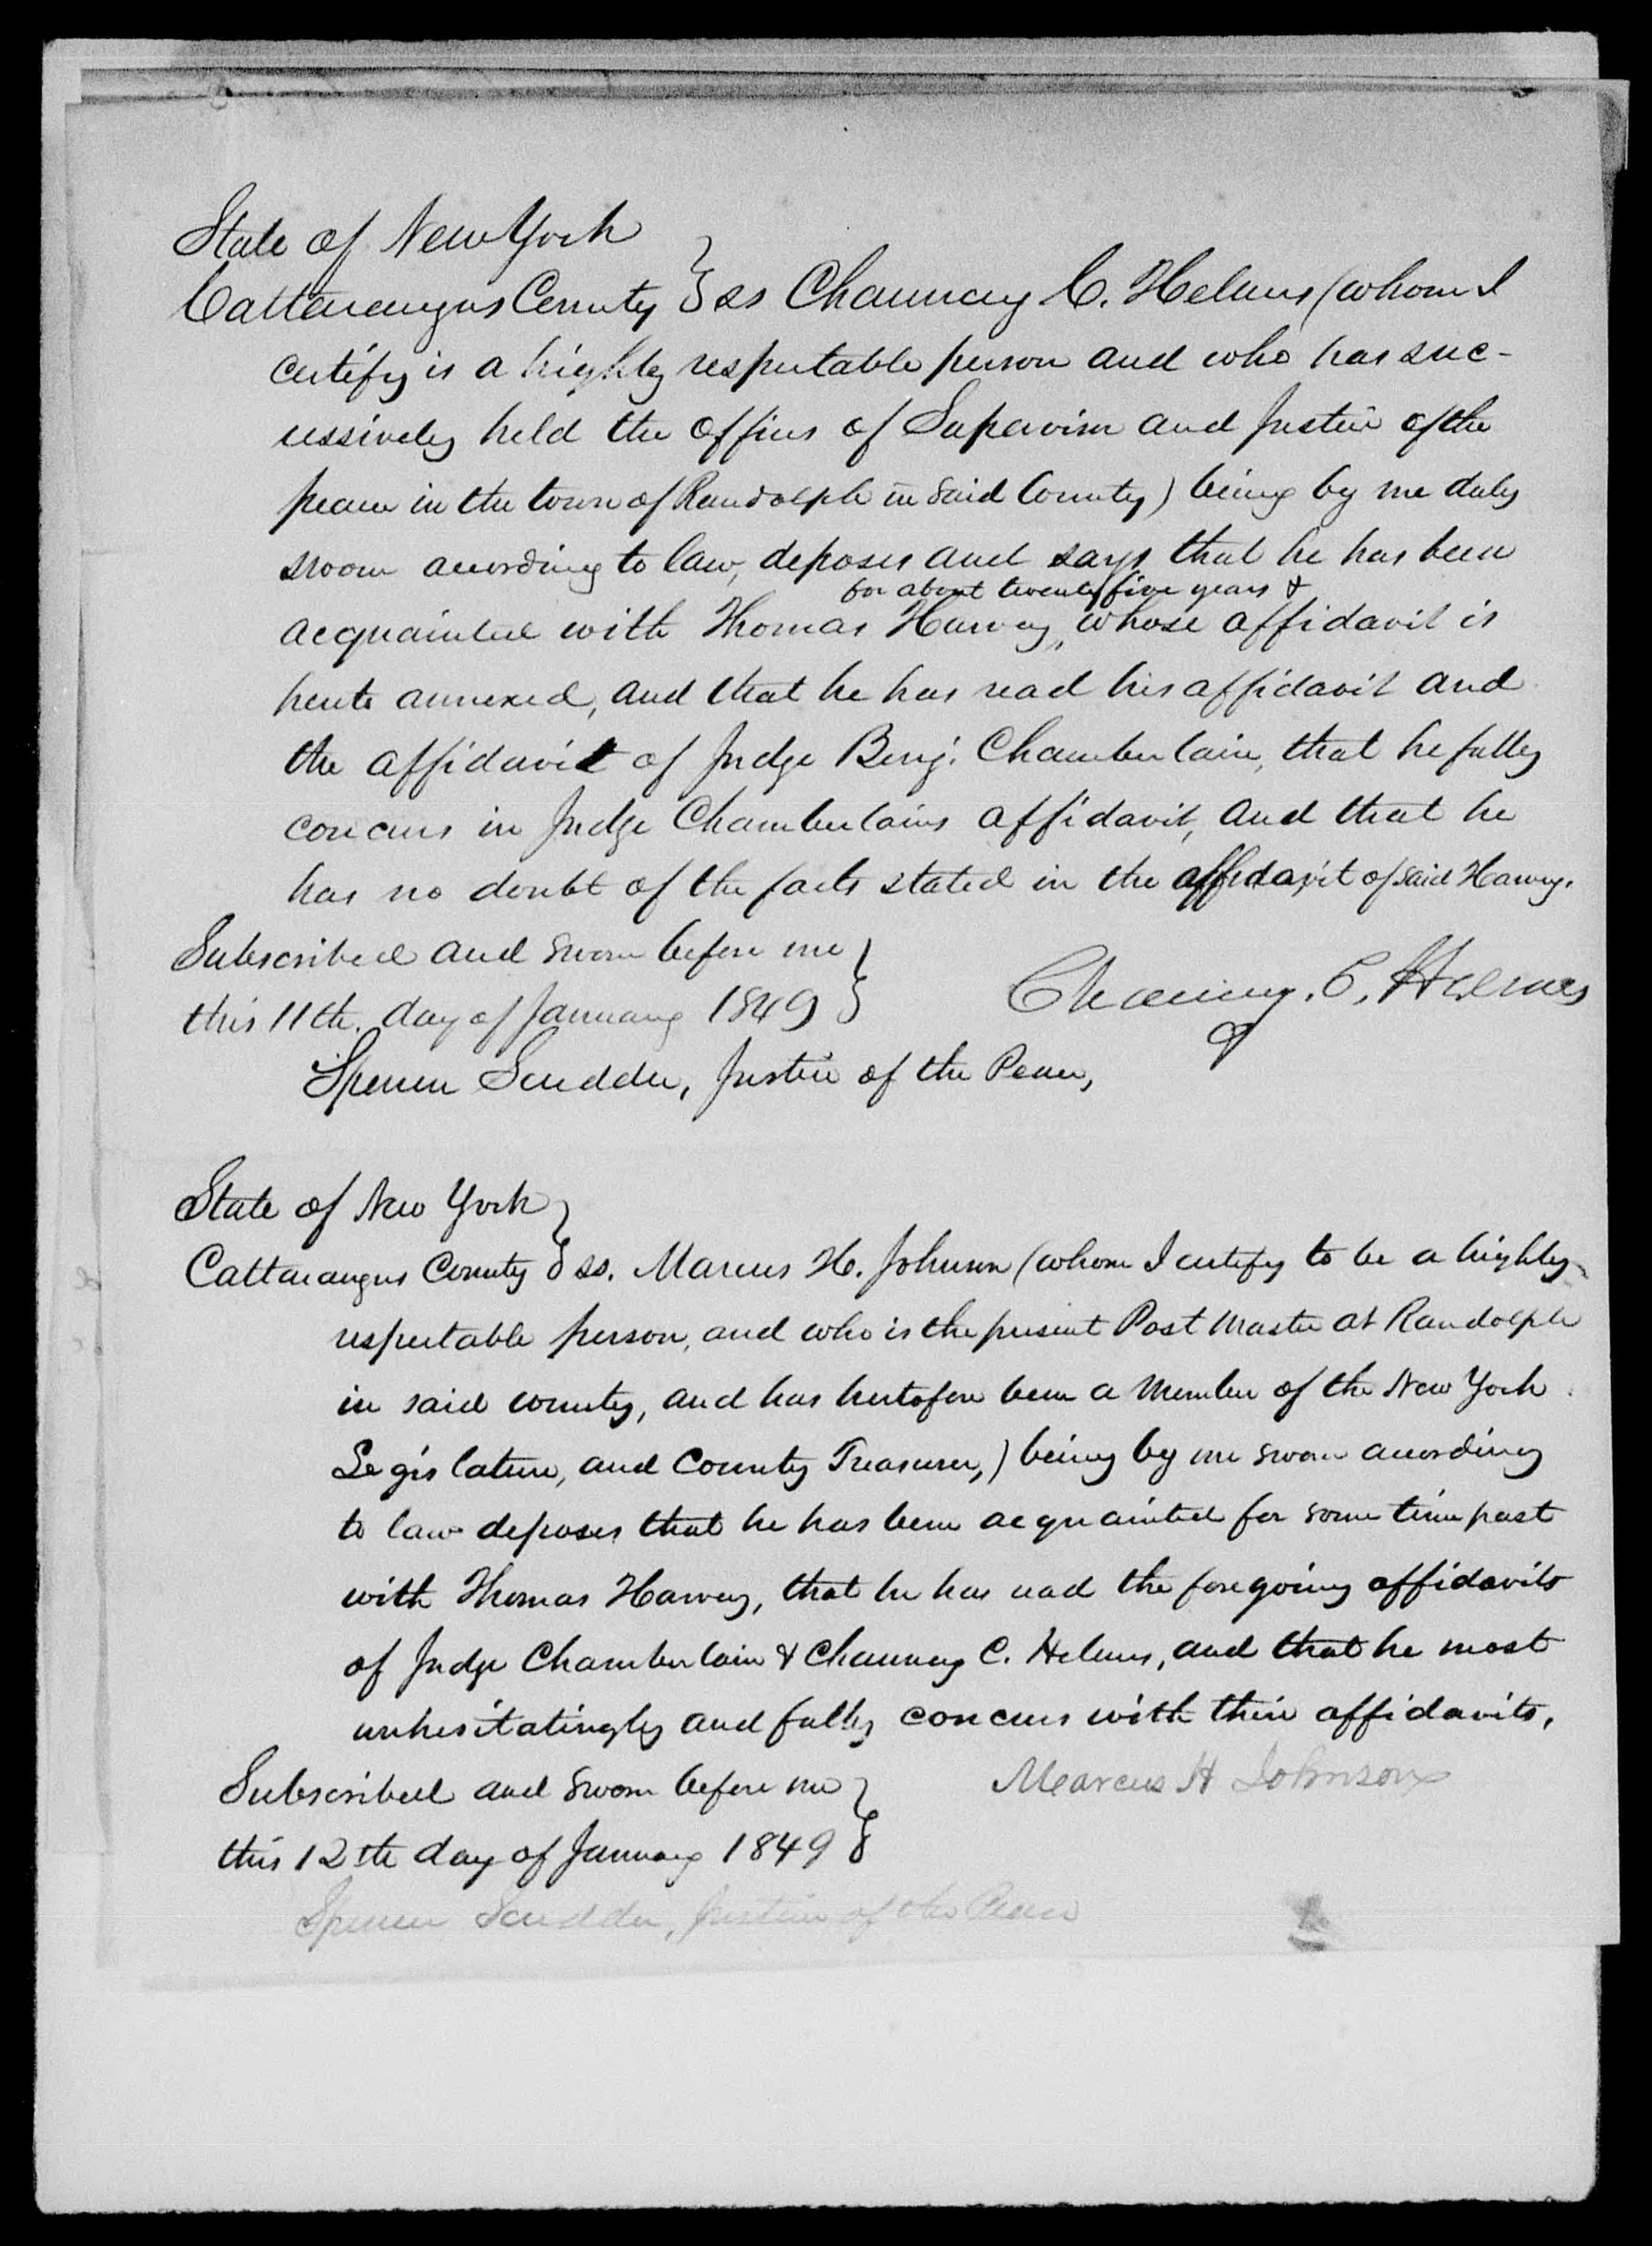State of New York
Cattaraugus County} ss. Chauncey C. Helms (whom I certify is a highly respectable person and who has successively held the offices of Supervisor and Justice of the peace in the town of Randolph in said County) being by me duly sworn according to law, deposes and says that he has been acquainted with Thomas Harvey for about twenty five years, & whose affidavit is hereto annexed, and that he read his affidavit and the affidavit of Judge Benj. Chamberlain, that he fully concurs in Judge Chamberlain's affidavit, and that he has no doubt of the facts stated in the affidavit of said Harvey. 
/s/Chauncey C. Helms
Subscribed and sworn before me this 11th day of  January 1849}
/s/Spencer Scudder, Justice of the Peace.
State of New York
Cattaraugus County} ss. Marcus H. Johnson (whom I certify to be a highly respectable person, and who is the present Post Master at Randolph in said county, and has heretofore been a Member of the New York Legislature, and County Treasurer,) being by me sworn according to law deposes and says that he has been acquainted for some time past with Thomas Harvey, that he has read the foregoing affidavit of Judge Chamberlain & Chauncey C. Helms, and that he most unhesitatingly and fully concurs with their affidavits. 
/s/Marcus H. Johnson
Subscribed and sworn before me this 12th day of January 1849}
/s/Spencer Scudder, Justice of the Peace.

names: Chauncey C Helmes, Harvey, Chauncy C Helmes, Benj Chamberlain, Marcus H Johnson, Thomas Harvey, Chauncey C Helmes, Chamberlain, Spencer Scudder, Marcus H Johnson, Spencer Scudder, Thomas Harvey, Chamberlain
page: 76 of 80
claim: survivor's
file: S. 18008, Thomas Harvey, N.H.